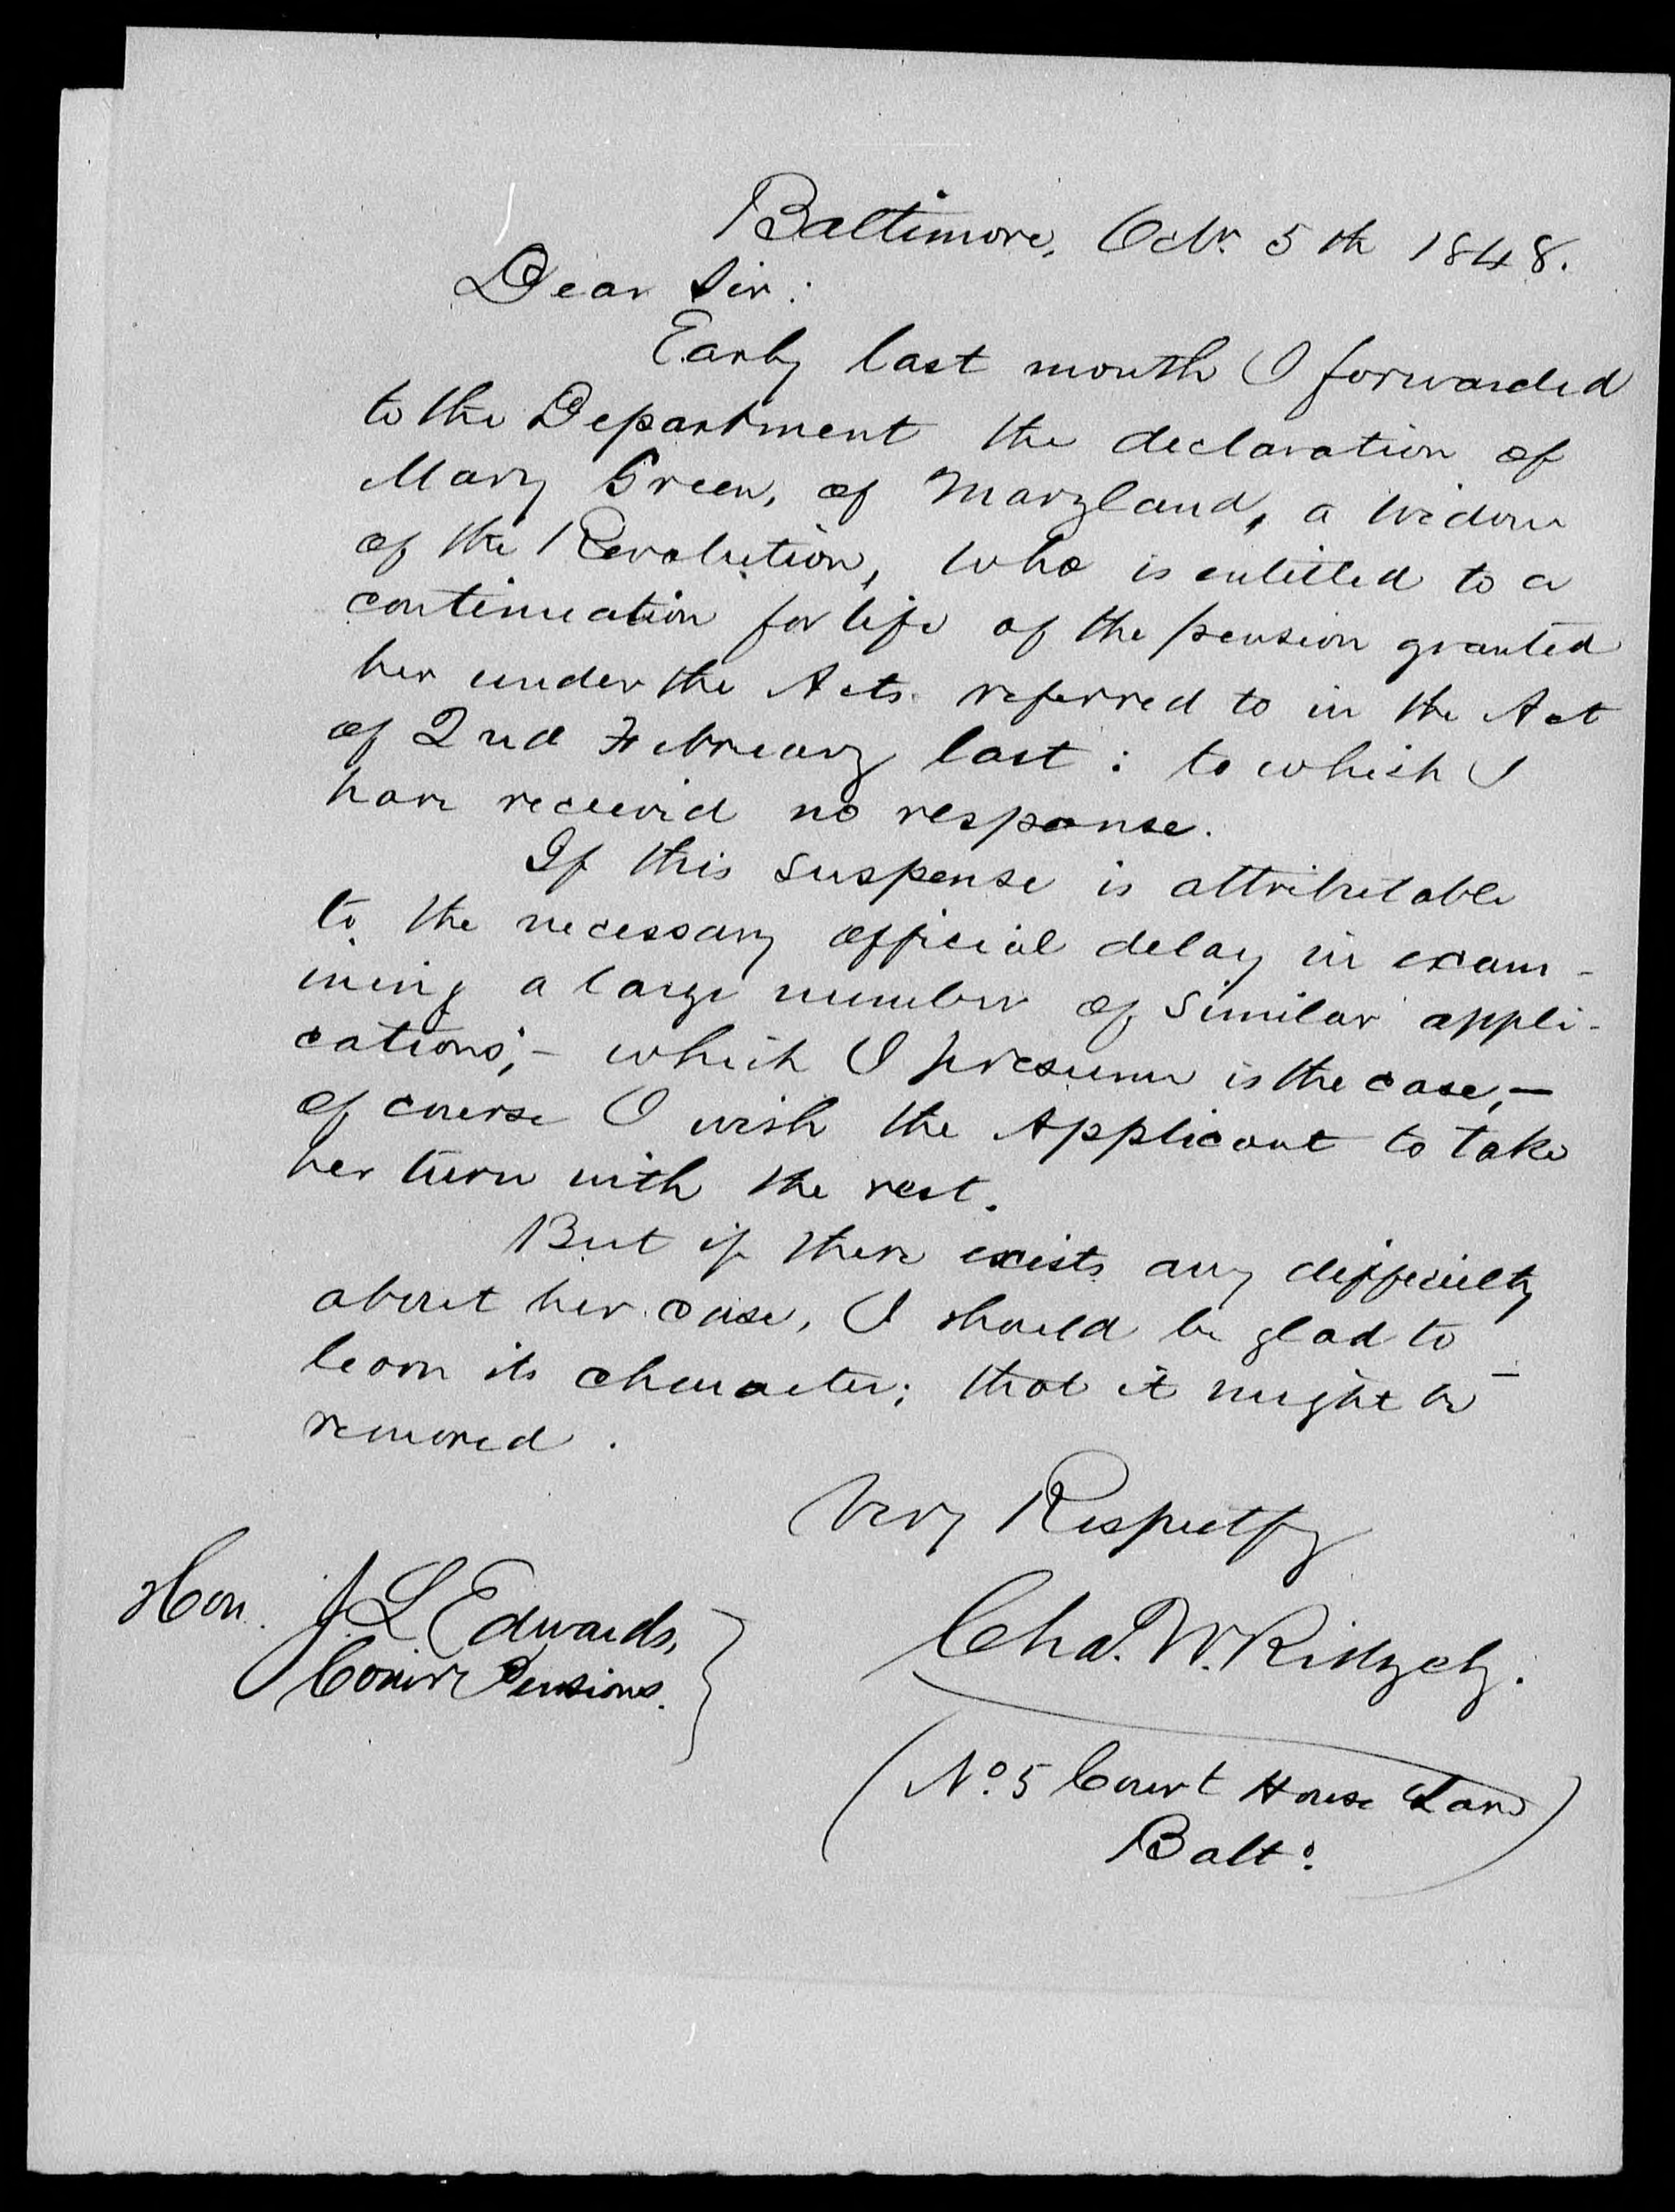Baltimore, Oct 5th 1848.
Dear Sir:
Early last month I forwarded to the Department the declaration of Mary Green, of Maryland, a widow of the Revolution, who is entitled to a continuation for life of the pension granted her under the Acts referred to in the Act of 2nd February last: to which I have received no response.
If this suspense is attributable to the necessary official delay in exam - viewing a large number of similar applications - which I presume is the case, - of course I wish the applicant to take her turn with the next.
But if there exists any difficulty about her case, I should be glad to learn its character; that it might be removed.
Very Respectfully,
Chas. W. Ridgely.
(No. 5 Court House Lane Balt: )

[bottom left]
Hon. J.L. Edwards, }
Court Pensions.      }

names: Mary Green, Chas W Ridgely, J L Edwards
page: 25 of 26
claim: widow's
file: W 25651, Robert Cross, Md.